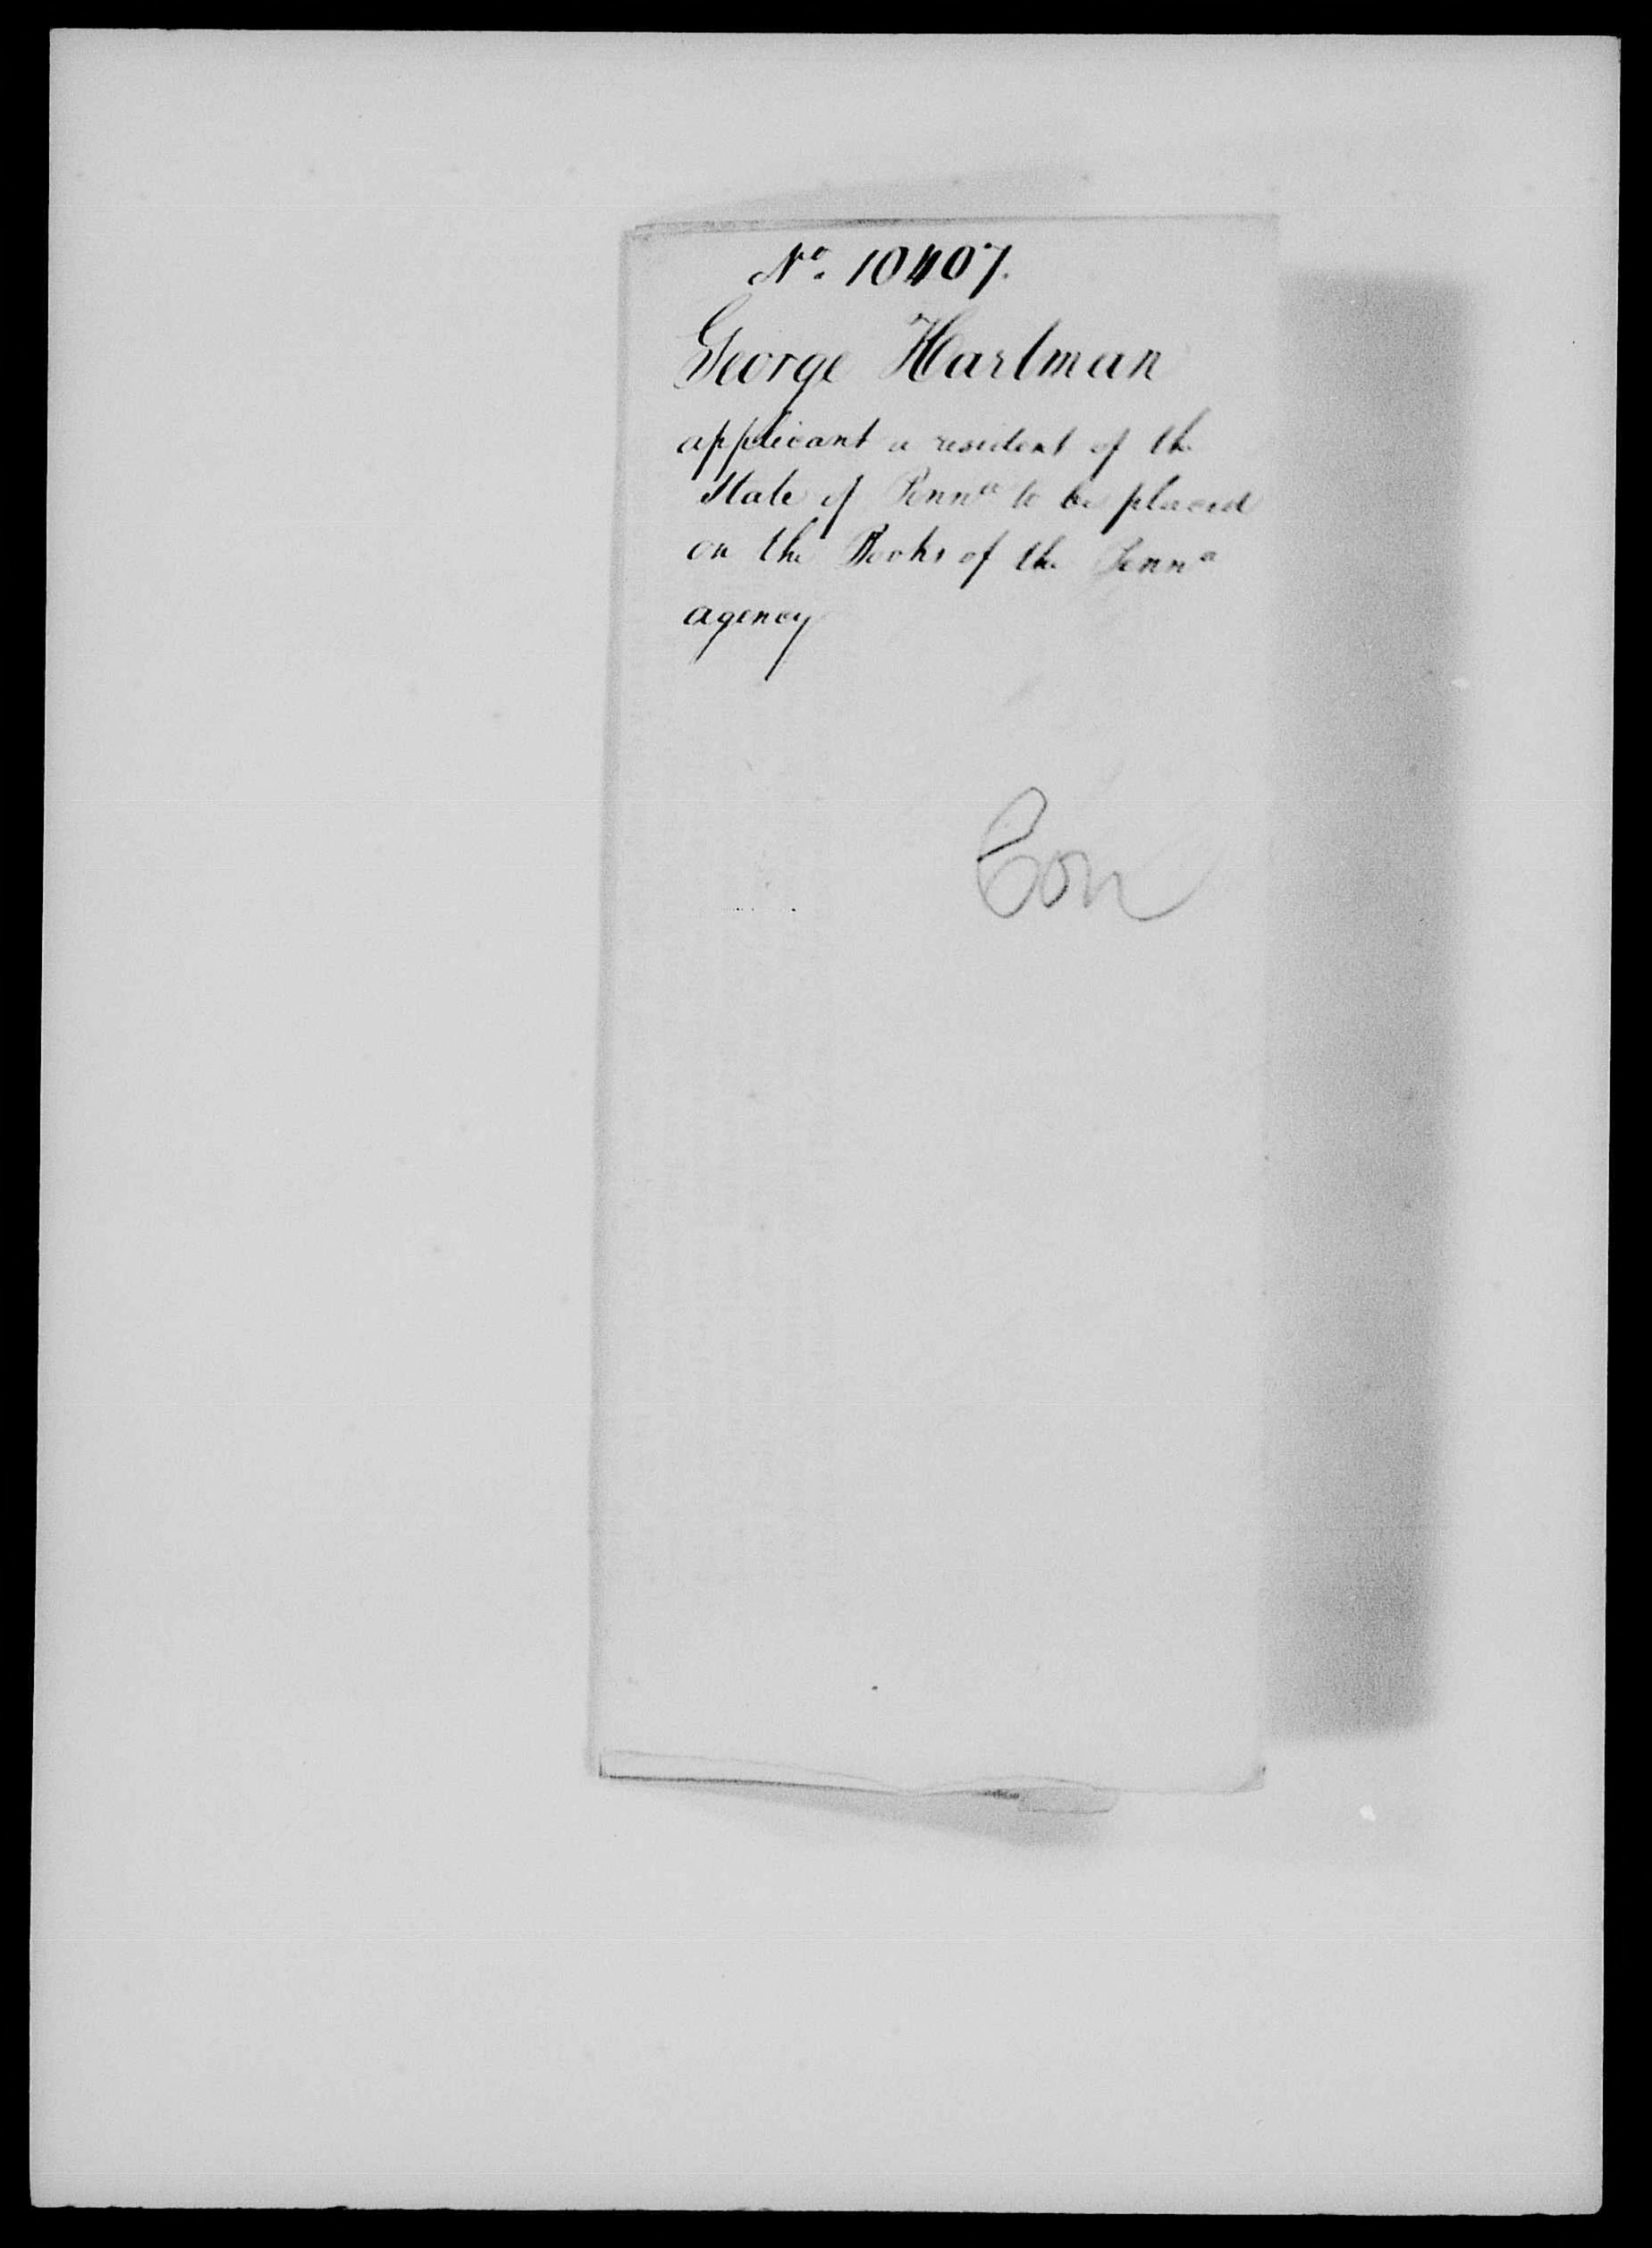No 10407
George Hartman
applicant a resident of the
State of Penn'a to be placed
on the Books of the Penn'a
agency
Con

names: George Hartman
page: 7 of 29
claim: widow's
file: W. 2,789, George Hartman, New Jersey